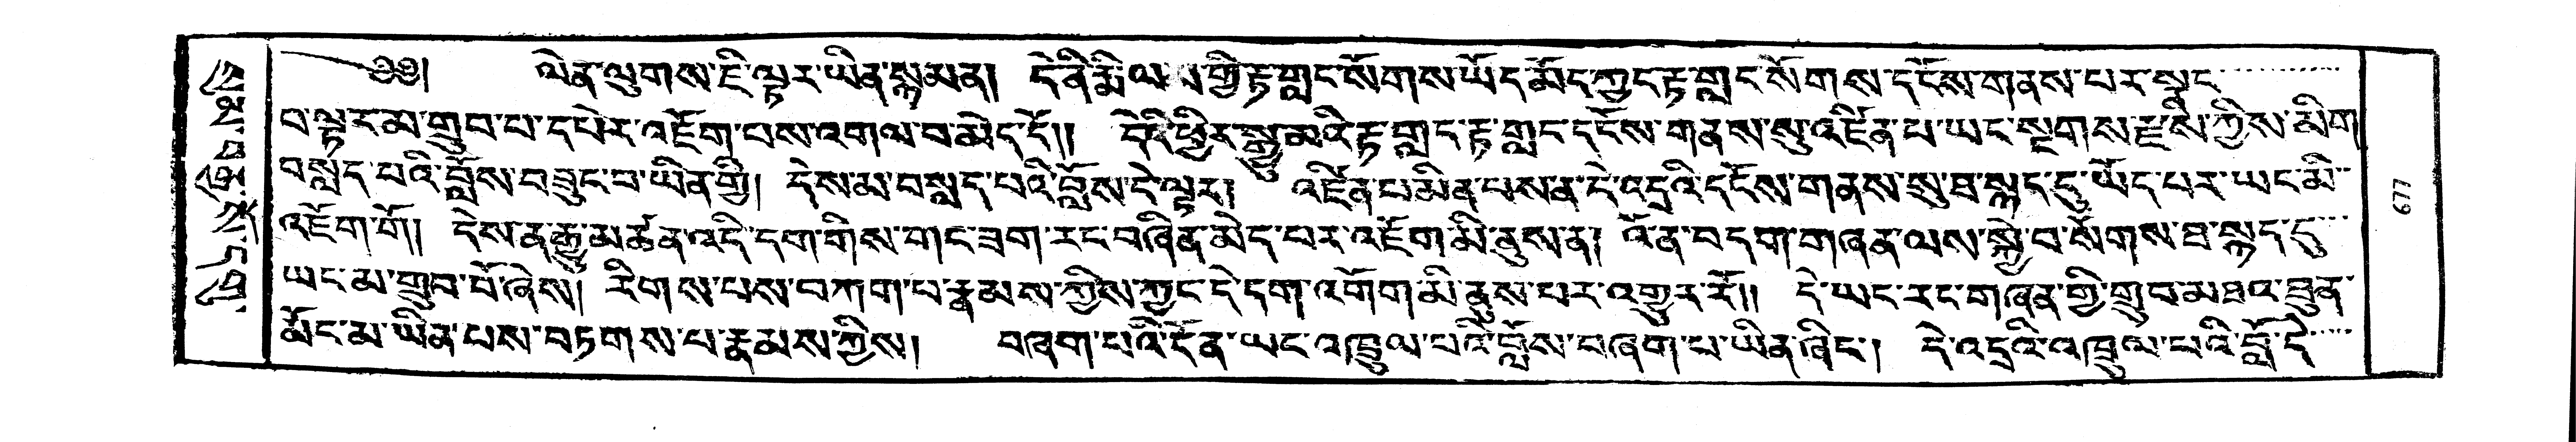༄༅། །ལེན་ལུགས་ཇི་ལྟར་ཡིན་སྙམ་ན། དེ་ནི་རྨི་ལམ་གྱི་རྟ་གླང་སོགས་ཡོད་མོད་ཀྱང་རྟ་གླང་སོགས་དངོས་གནས་པར་སྣང་
བ་ལྟར་མ་གྲུབ་པ་དཔེར་འཇོག་པས་འགལ་བ་མེད་དོ། །དེའི་ཕྱིར་སྒྱུ་མའི་རྟ་གླང་རྟ་གླང་དངོས་གནས་སུ་འཛིན་པ་ཡང་སྔགས་རྫས་ཀྱིས་མིག་
བསླད་པའི་བློས་བཟུང་བ་ཡིན་གྱི། དེས་མ་བསླད་པའི་བློས་དེ་ལྟར། འཛིན་པ་མིན་པས་ན་དེ་འདྲའི་དངོས་གནས་སུ་ཐ་སྙད་དུ་ཡོད་པར་ཡང་མི་
འཇོག་གོ །དེས་ན་རྒྱུ་མཚན་འདི་དག་གིས་གང་ཟག་རང་བཞིན་མེད་པར་འཇོག་མི་ནུས་ན། འོ་ན་བདག་གཞན་ལས་སྐྱེ་བ་སོགས་ཐ་སྙད་དུ་
ཡང་མ་གྲུབ་བོ་ཞེས། རིགས་པས་བཀག་པ་རྣམས་ཀྱིས་ཀྱང་དེ་དག་འགོག་མི་ནུས་པར་འགྱུར་རོ། །དེ་ཡང་རང་གཞན་གྱི་གྲུབ་མཐའ་ཐུན་
མོང་མ་ཡིན་པས་བཏགས་པ་རྣམས་ཀྱིས། བཞག་པའི་དོན་ཡང་འཁྲུལ་པའི་བློས་བཞག་པ་ཡིན་ཞིང་། དེ་འདྲའི་འཁྲུལ་པའི་བློ་དེ་